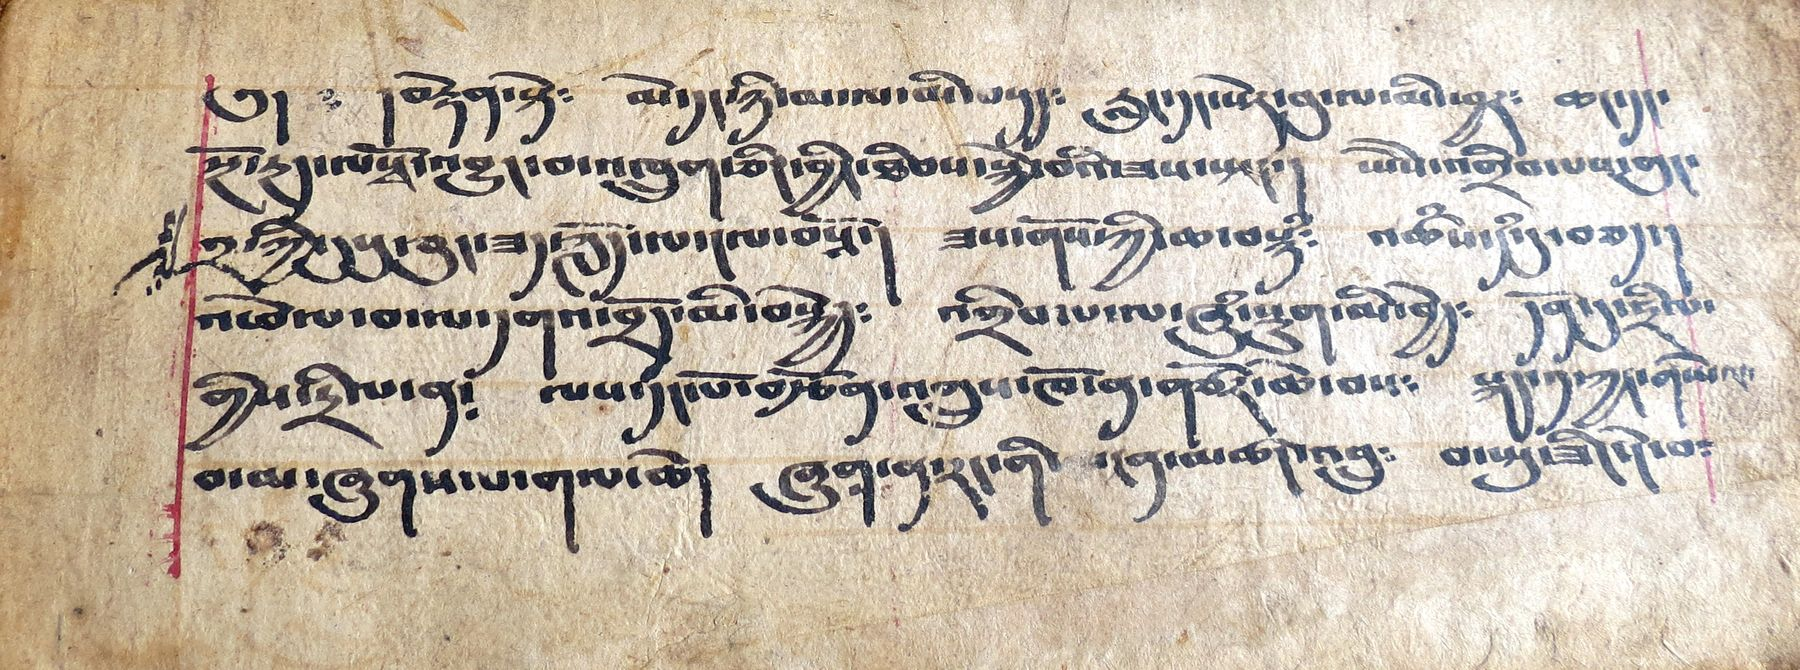བསྟེན་ཏེ། མེ་དང་ཉི་མ་ལ་མི་བསྡད། རླུང་དང་སེར་བུ་ལ་མི་ཕྱར། ཆང་དང་
སྔོ་རྔད་ལ་སོགས་འབྱུང་བ་འཁྲུག་ཅིང་བྱིང་འཐིབས་སྐྱེ་བས་ཟས་སྤངས། ཡེ་ཤེས་ཀྱི་འགྲིབ་པས་གུང་
གཉིས་ཀྱི་དུས་སུ་ཅུང་ཙམ་གློད་ལ་ངལ་གསོ། ཟས་གོས་ཀྱི་ཆ་བསྙམ། མཚམས་དམ་དུ་བསྡམ། 
འཕེལ་བ་ལ་དགའ་བྲོ་མི་བྱ། འགྲིབ་པ་ལ་ཞུམ་སྡུག་མི་བྱེད། དོན་དུ་ཧྲིལ་
གྱིས་དྲིལ་ན། ལས་དང་པོ་བརྩོན་འགྲུས་ཁོ་ན་གཙོ་ཆེ་བས། སྐད་གཅིག་ཀྱང་གཡེལ་
བར་མ་གཞུག་པ་གལ་ཆེ། ཞུགས་ན་རང་གི་མངན་འཚང་བ་སྤུ་ཟེང་ངེ་བ།